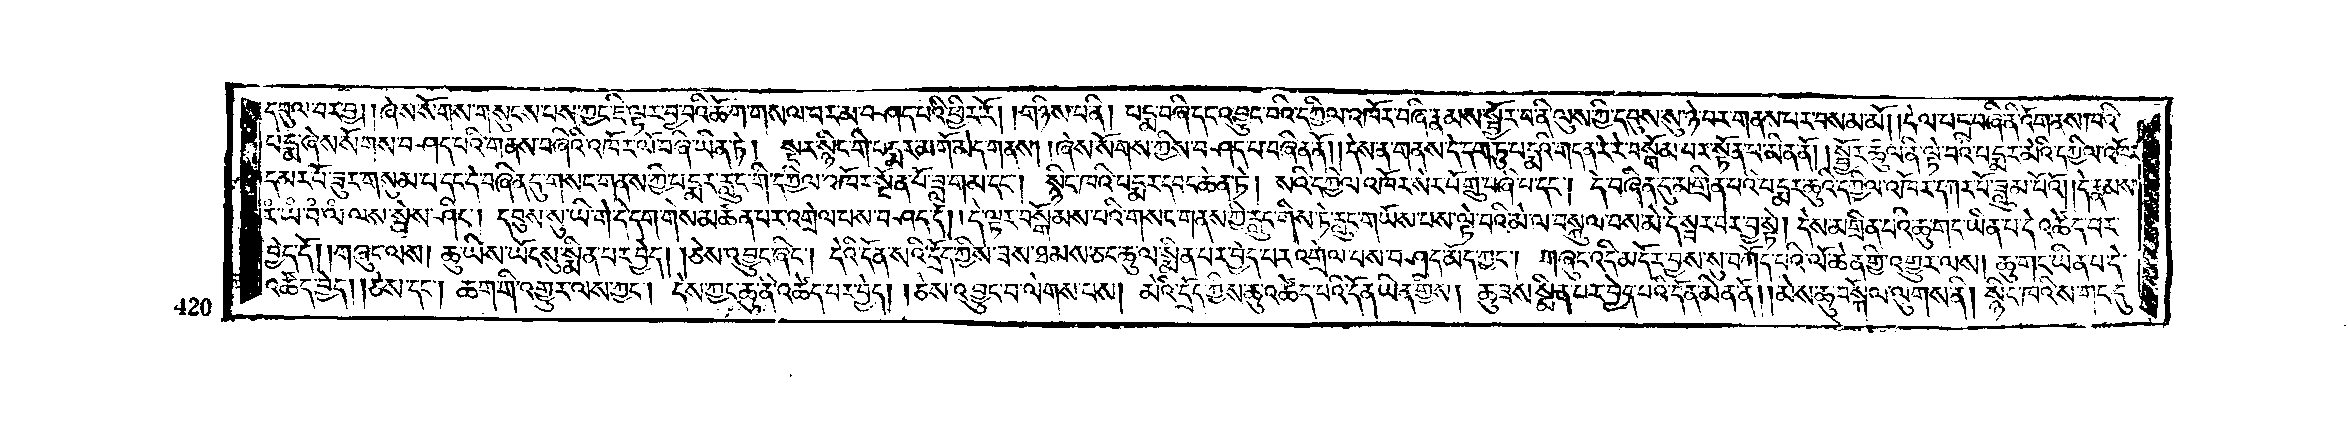དབུལ་བར་བྱ། །ཞེས་སོགས་གསུངས་པས་ཀྱང་ཇི་ལྟར་བྱ་བའི་ཆོ་ག་གསལ་བར་མ་བཤད་པའི་ཕྱིར་རོ། །གཉིས་པ་ནི། པདམ་བཞི་དང་འབྱུང་བའི་དཀྱིལ་འཁོར་བཞི་རྣམས་སྦྱོར་བ་ནི་ལུས་ཀྱི་དབུས་སུ་ཉེ་བར་གནས་པར་བསམ་མོ། །དེ་ལ་པདམ་བཞི་ནི་འོག་ནས་ཁའི་
པདམ་ཞེས་སོགས་བཤད་པའི་གནས་བཞིའི་འཁོར་ལོ་བཞི་ཡིན་ཏེ། སྔར་སྙིང་གི་པདམར་མགོ་མེད་གནས། །ཞེས་སོགས་ཀྱིས་བཤད་པ་བཞིན་ནོ། །དེས་ན་གནས་དེ་དག་ཏུ་པདམའི་གདན་རེ་རེ་བསྒོམ་པར་སྟོན་པ་མིན་ནོ། །སྦྱོར་ཚུལ་ནི་ལྟེ་བའི་པདམར་མེའི་དཀྱིལ་འཁོར་
དམར་པོ་ཟུར་གསུམ་པ་དང་དེ་བཞིན་དུ་གསང་གནས་ཀྱི་པདམར་རླུང་གི་དཀྱིལ་འཁོར་སྔོན་པོ་ཟླ་གམ་དང་། སྙིང་ཁའི་པདམར་དབང་ཆེན་ཏེ། སའི་དཀྱིལ་འཁོར་སེར་པོ་གྲུ་བཞི་པ་དང་། དེ་བཞིན་དུ་མགྲིན་པའི་པདམར་ཆུའི་དཀྱིལ་འཁོར་དཀར་པོ་ཟླུམ་པོའོ། །དེ་རྣམས་
རཾ་ཡཾ་བཾ་ལཾ་ལས་སྐྱེས་ཤིང་། དབུས་སུ་ཡི་གེ་དེ་དག་གིས་མཚན་པར་འགྲེལ་པས་བཤད་དོ། །དེ་ལྟར་བསྒོམས་པའི་གསང་གནས་ཀྱི་རླུང་གིས་ཏེ་རླུང་གཡོས་པས་ལྟེ་བའི་མེ་ལ་བསྐུལ་བས་མེ་དེ་སྦར་བར་བྱ་སྟེ། དེས་མགྲིན་པའི་ཆུ་གང་ཡིན་པ་དེ་འཚེད་པར་
བྱེད་དོ། །གཞུང་ལས། ཆུ་ཡིས་ཡོངས་སུ་སྨིན་པར་བྱེད། །ཅེས་འབྱུང་ཞིང་། དེའི་དོན་སའི་དྲོད་ཀྱིས་ཟས་ཐམས་ཅད་ཆུ་ལ་སྨིན་པར་བྱེད་པར་འགྲེལ་བས་བཤད་མོད་ཀྱང་། གཞུང་འདི་མདོར་བྱས་སུ་བཀོད་པའི་ལོ་ཆེན་གྱི་འགྱུར་ལས། ཆུ་གང་ཡིན་པ་དེ་
འཚེད་བྱེད། །ཅེས་དང་། ཆག་གི་འགྱུར་ལས་ཀྱང་། དེས་ཀྱང་ཆུ་ནི་འཚེད་པར་བྱེད། །ཅེས་འབྱུང་བ་ལེགས་པས། མེའི་དྲོད་ཀྱིས་ཆུ་འཚེད་པའི་དོན་ཡིན་གྱིས། ཆུ་ཟས་སྨིན་པར་བྱེད་པའི་དོན་མིན་ནོ། །མེས་ཆུ་བསྐོལ་ལུགས་ནི། སྙིང་ཁའི་ས་གང་དུ་